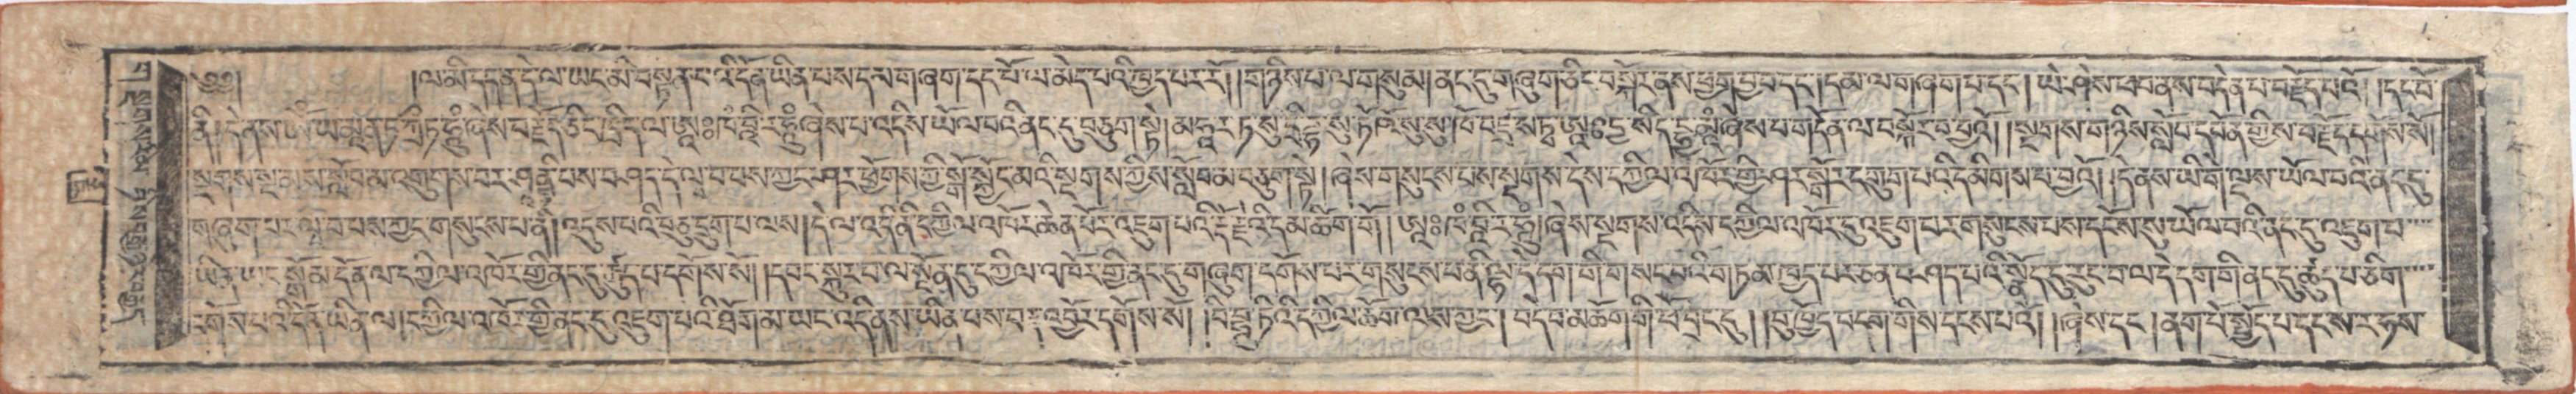༄༅། །ལ་མི་དད་ན་དེ་ལ་ཡང་མི་བསྟན་པའི་དོན་ཡིན་པས་དམ་གཞག་དང་པོ་ལ་མེད་པའི་ཁྱད་པར་རོ། །གཉིས་པ་ལ་གསུམ། ནང་དུ་གཞུག་ཅིང་བསྐོར་ནས་ཕྱག་བྱ་བ་དང་། དམ་ལ་གཞག་པ་དང་། ཡེ་ཤེས་ཕབ་ནས་བདེན་པ་བརྗོད་པའོ། །དང་པོ་
ནི། དེ་ནས་ཨོཾ་ཡ་མཱན་ཏ་ཀྲྀཏ་ཧཱུཾ་ཞེས་བརྗོད་ཅིང་ཁྲིད་ལ་ཨཱཿ ཁཾ་བཱི་ར་ཧཱུཾ་ཞེས་པ་འདིས་ཡོལ་བའི་ནང་དུ་བཅུག་སྟེ། མཧཱ་ར་ཏ་སུ་དྲི་དྷ་སུ་ཏོ་ཥོ་སུ་སུ་ཁོ་བཛྲ་ས་ཏྭ་ཨཱཿ དྱ་སིདྡྷྱ་མའཾ་ཞེས་པ་གདོན་ལ་བསྐོར་བ་བྱའོ། །སྔགས་གཉིས་སློབ་དཔོན་གྱིས་བརྗོད་དགོས་སོ།
སྔགས་སྔ་མས་སློབ་མ་འགུགས་བར་ཤཱནྟི་པས་བཤད་དེ་ལྭ་བ་པས་ཀྱང་ཤར་ཕྱོགས་ཀྱི་སྒོ་སྐྱོང་མའི་སྔགས་ཀྱིས་སློབ་མ་བཅུག་སྟེ། ཞེས་གསུངས་པས་སྔགས་དེས་དཀྱིལ་འཁོར་གྱི་ཤར་སྒོར་དགུག་པའི་དམིགས་པ་བྱའོ། །དེ་ནས་ཡི་གེ་ལྔས་ཡོལ་བའི་ནང་དུ་
གཞུག་པར་ལྭ་བ་པས་ཀྱང་གསུངས་པ་ནི། འདུས་པའི་བཅུ་དྲུག་པ་ལས། དེ་ལ་འདི་ནི་དཀྱིལ་འཁོར་ཆེན་པོར་འཇུག་པའི་རྡོ་རྗེའི་དམ་ཚིག་གོ །ཨཱཿ ཁཾ་བཱི་ར་ཧཱུཾ། ཞེས་སྔགས་འདིས་དཀྱིལ་འཁོར་དུ་འཇུག་པར་གསུངས་པས་དངོས་སུ་ཡོལ་བའི་ནང་དུ་འཇུག་པ་
ཡིན་ཡང་སྒོམ་དོན་ལ་དཀྱིལ་འཁོར་གྱི་ནང་དུ་ཚུད་པ་དགོས་སོ། །དབང་སྐུར་བ་ལ་སྔོན་དུ་དཀྱིལ་འཁོར་གྱི་ནང་དུ་གཞུག་དགོས་པར་གསུངས་པ་ནི་ལྷ་དེ་དག་གི་གསང་བའི་གཏམ་ཁྱད་པར་ཅན་བཤད་པའི་སྣོད་དུ་རུང་བ་ལ་དེ་དག་གི་ནང་དུ་ཚུད་པ་ཅིག་
དགོས་པའི་དོན་ཡིན་ལ། དཀྱིལ་འཁོར་གྱི་ནང་དུ་འཇུག་པའི་ཐོག་མ་ཡང་འདི་ནས་ཡིན་པས་བརྡ་འབྱོར་དགོས་སོ། །བི་བྷཱུ་ཏིའི་དཀྱིལ་ཆོག་ལས་ཀྱང་། བདེ་བ་མཆོག་གི་ཕོ་བྲང་དུ། །བུ་ཁྱོད་བདག་གིས་དྲངས་པའོ། །ཞེས་དང་། ནག་པོ་སྤྱོད་པ་དང་ས་ར་ཧས་